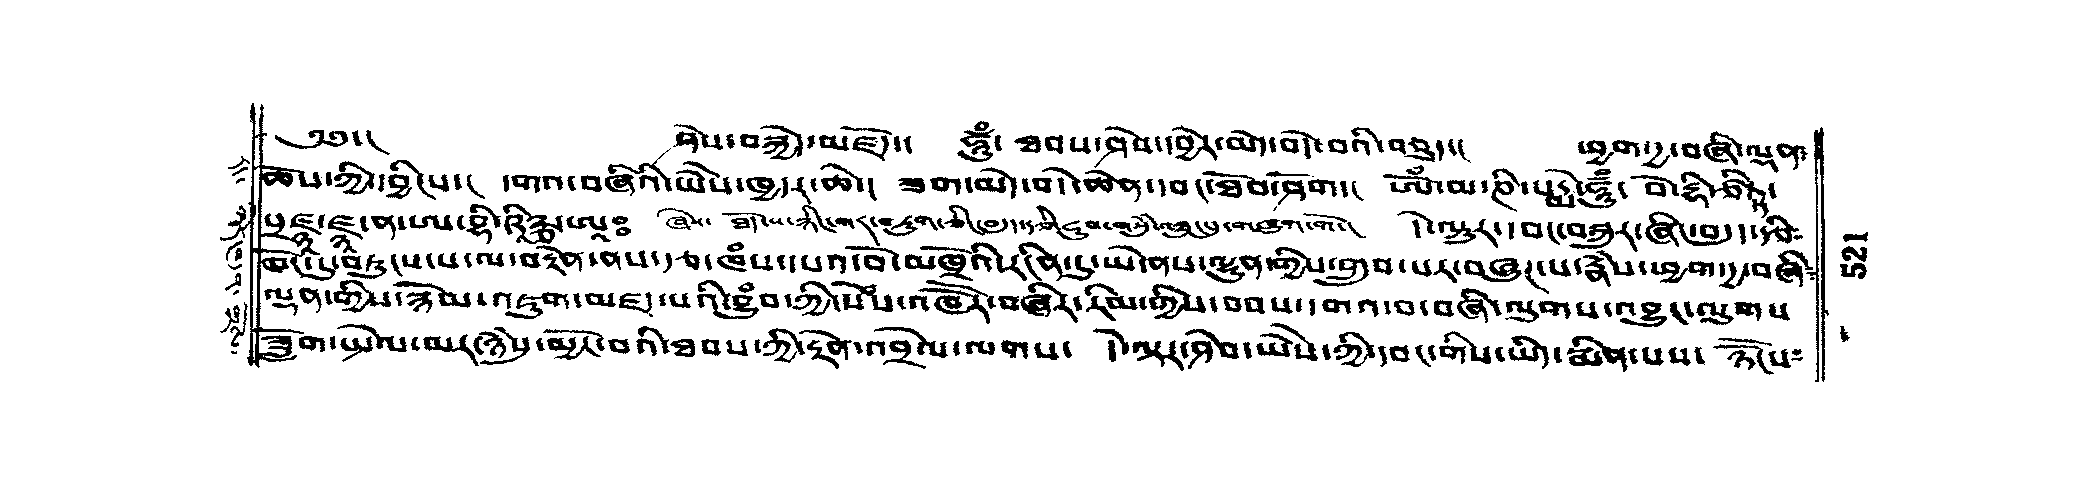ཤེས་བསྐྱེད་མཛོད། ཧཱུྃ། ཐབས་ཤེས་དབྱེར་མེད་བདེ་བའི་བཅུད། །ཕྱག་རྒྱ་བཞི་ལྡན་
ཆོས་ཀྱི་དབྱིངས། །དགའ་བཞིའི་ཡེ་ཤེས་ཁྱད་པར་ཆེ། །ཟག་མེད་བདེ་ཆེན་དབང་ཐོབ་ཤོག །ཨོཾ་མ་ཎི་པདྨེ་ཧཱུྃ། བོ་དྷི་ཙིཏྟ་
པྲཛྙ་ཛྙཱ་ན་ཨ་བྷི་རཱིཉྩ་ཨཱཿ ཞེས་ཐོད་པ་སྙིང་གར་གཏུག་ཅིང་བདུད་རྩི་ཧུབ་གསུམ་འཐུང་དུ་བཞུག་གོ། དེ་ལྟར་དབང་བསྐུར་ཞིང་བདུད་རྩི་
ཁོང་དུ་བཏུངས་པ་ལ་བརྟེན་ནས་རྩ་ཁམས་དཔའ་བོ་མཁའ་འགྲོའི་རང་བཞིན་དུ་ཡེ་ནས་ལྷུན་གྱིས་གྲུབ་པར་བཞུགས་པ་རྣམས་ཕྱག་རྒྱ་བཞི་
ལྡན་གྱིས་སྙོམ་འཇུག་མཛད་པའི་བྱང་ཆུབ་ཀྱི་སེམས་འཁོར་ལོ་བཞིར་རིམ་གྱིས་བབས་དགའ་བ་བཞི་ལུགས་འབྱུང་ལུགས་
ཟློག་སྤེལ་མར་མྱོང་བའི་ཐབས་ཀྱི་རྟེན་འབྲེལ་ལགས། དེ་ལྟར་ཤེས་རབ་ཡེ་ཤེས་ཀྱི་དབང་གིས་ཡིད་སྨིན་པས། ཉོན་མོངས་